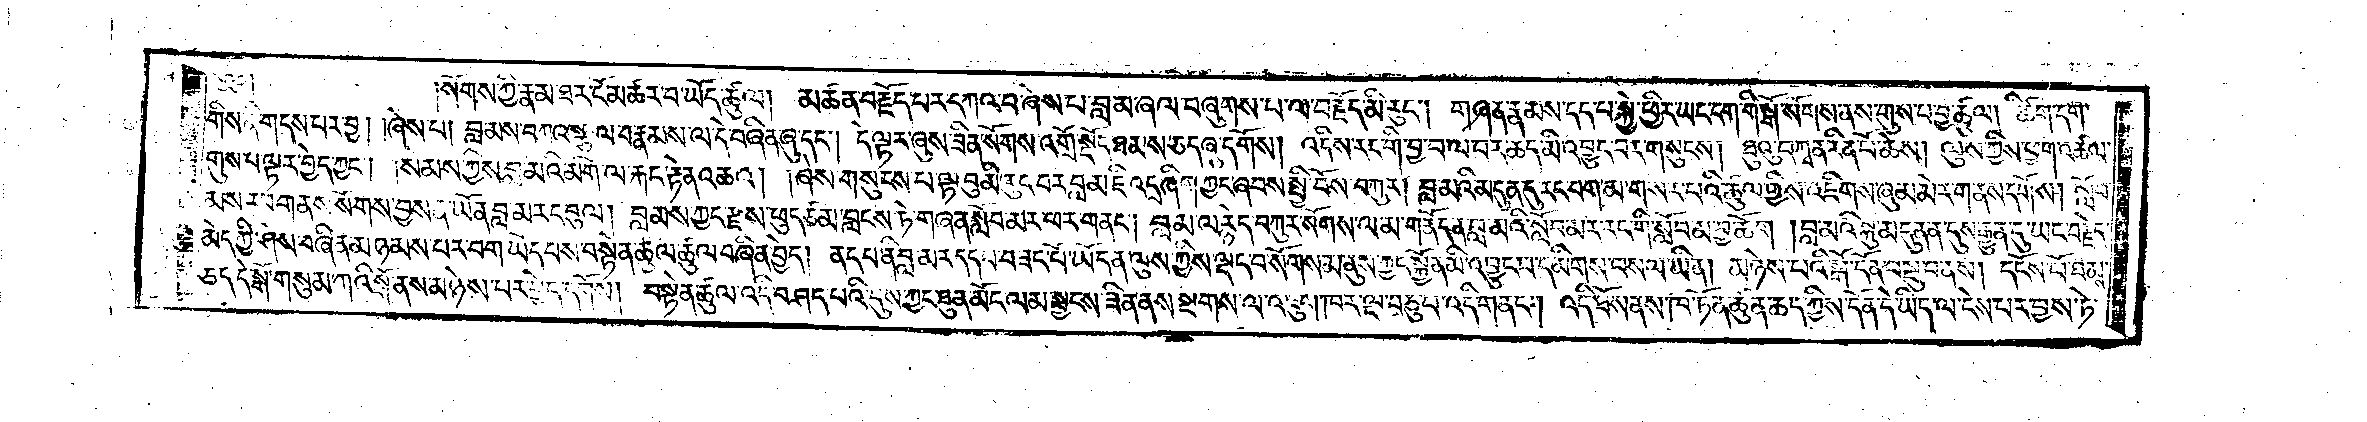༄༅། །སོགས་ཀྱི་རྣམ་ཐར་ངོ་མཚར་བ་ཡོད་ཚུལ། མཚན་བརྗོད་པར་དགའ་བ་ཞེས་པ་བླ་མ་ཞལ་བཞུགས་པ་ལ་བརྗོད་མི་རུང་། གཞན་རྣམས་དད་པ་སྐྱེ་ཕྱིར་ཡང་དག་གི་སྒོ་སོགས་ནས་གུས་པ་བྱ་ཚུལ། ཚིག་དག་
གིས་ནི་གདས་པར་བྱ། །ཞེས་པ། བླ་མས་བཀའ་སྩལ་བ་རྣམས་ལ་དེ་བཞིན་ཞུ་དང་། དེ་ལྟར་ཞུས་ཟིན་སོགས་འགྲོ་སྡོད་ཐམས་ཅད་ཞུ་དགོས། འདིས་རང་གི་བྱ་བ་ལ་བར་ཆད་མི་འབྱུང་བར་གསུངས། ཐུའུ་བཀྭན་རིན་པོ་ཆེས། ལུས་ཀྱིས་ཕྱག་འཚལ་
གུས་པ་ལྟར་བྱེད་ཀྱང་། །སེམས་ཀྱིས་བླ་མའི་མགོ་ལ་རྐང་རྟེན་འཆའ། །ཞེས་གསུངས་པ་ལྟ་བུ་མི་རུང་བར་བླ་མ་ཇི་འདྲ་ཞིག་ཀྱང་ཞབས་སྤྱི་བོས་བསྐུར། བླ་མའི་མདུན་དུ་རང་བག་མ་གསར་པའི་ཚུལ་གྱིས་འཇིགས་ཞུམ་མེར་གནས་དགོས། སློབ་
མས་རབ་གནས་སོགས་བྱས་ན་ཡོན་བླ་མར་དབུལ། བླ་མས་ཀྱང་རྫས་ཕུད་ཙམ་བླངས་ཏེ་གཞན་སློབ་མར་ཕར་གནང་། བླ་མ་ལ་རྙེད་བཀུར་སོགས་ལམ་གནོད་ན་བླ་མའི་སློབ་མར་རང་གི་སློབ་མ་བྱ་ཆོག །བླ་མའི་སྐུ་མདུན་ན་དུས་རྒྱུན་དུ་ཡང་བརྗེད་
མེད་ཀྱི་ཤེས་བཞིན་མ་ཉམས་པར་བག་ཡོད་པས་བསྟེན་ཚུལ་ཚུལ་བཞིན་བྱེད། ནད་པ་ནི་བླ་མར་དད་པ་བཟང་པོ་ཡོད་ན་ལུས་ཀྱིས་ལྡད་པ་སོགས་མ་ནུས་ཀྱང་སྐྱོན་མི་འབྱུང་བ་དམིགས་བསལ་ཡིན། མཉེས་པའི་སྒོ་དོན་བསྡུ་བ་ནས། དངོས་པོ་ཐམས་
ཅད་དེ་སྒོ་གསུམ་གའི་སྒོ་ནས་མཉེས་པར་བྱེད་དགོས། བསྟེན་ཚུལ་འདི་བཤད་པའི་དུས་ཀྱང་ཐུན་མོང་ལམ་སྦྱངས་ཟིན་ནས་སྔགས་ལ་འཇུག་ཁར་ལྔ་བཅུ་པ་འདི་གནང་། འདི་ཐོས་ནས་ཁ་ཏོན་ཚུན་ཆད་ཀྱིས་དོན་དེ་ཡིད་ལ་ངེས་པར་བྱས་ཏེ་